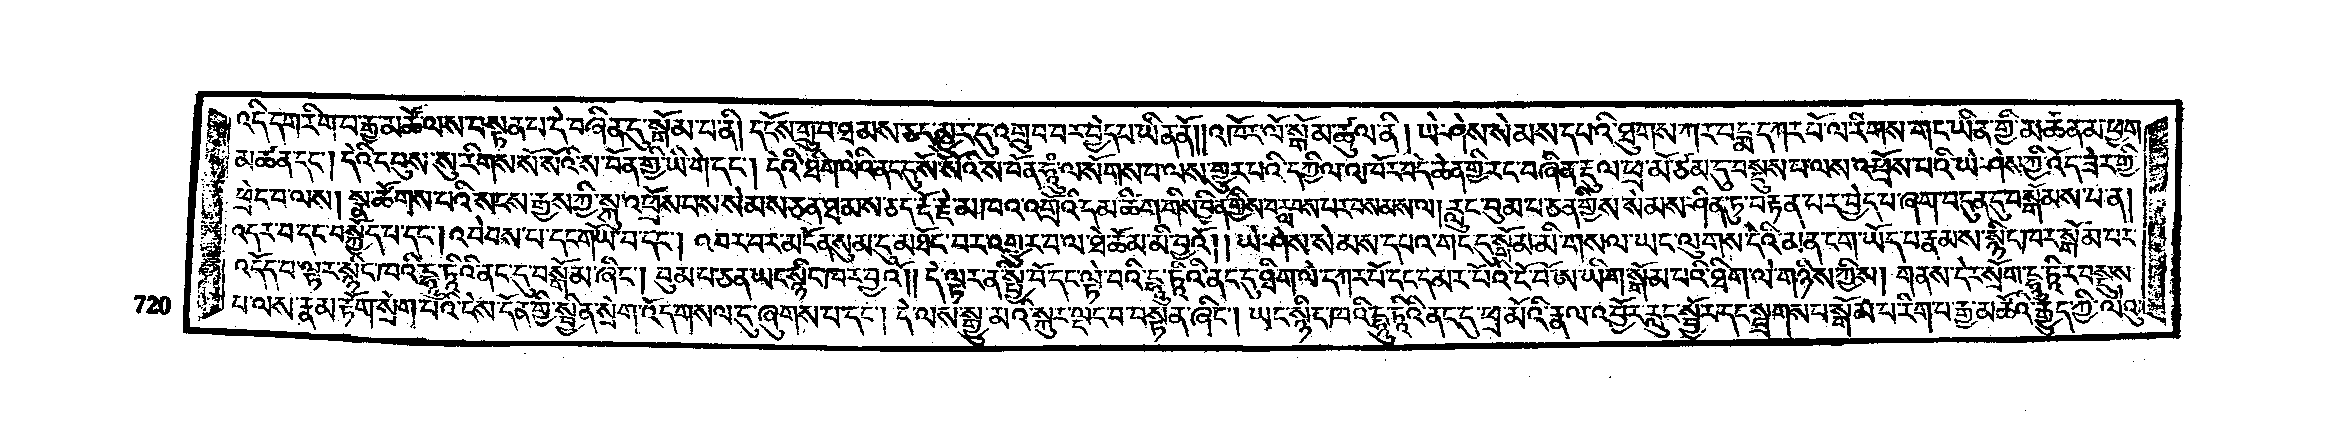འདི་དག་རིག་པ་རྒྱ་མཚོ་ལས་བསྟན་པ་དེ་བཞིན་དུ་སྒོམ་པ་ནི། དངོས་གྲུབ་ཐམས་ཅད་མྱུར་དུ་འགྲུབ་པར་བྱེད་པ་ཡིན་ནོ། །འཁོར་ལོ་སྒོམ་ཚུལ་ནི། ཡེ་ཤེས་སེམས་དཔའི་ཐུགས་ཀར་པདམ་དཀར་པོ་ལ་རིགས་གང་ཡིན་གྱི་མཚན་མ་ཕྱག་
མཚན་དང་། དེའི་དབུས་སུ་རིགས་སོ་སོའི་ས་བོན་གྱི་ཡི་གེ་དང་། དེའི་ཐིག་ལེའི་ནང་དུ་སོ་སོའི་ས་བོན་ཧཱུཾ་ལ་སོགས་པ་ལས་གྱུར་པའི་དཀྱིལ་འཁོར་བདེ་ཆེན་གྱི་རང་བཞིན་རྡུལ་ཕྲ་མོ་ཙམ་དུ་བསྡུས་པ་ལས་འཕྲོས་པའི་ཡེ་ཤེས་ཀྱི་འོད་ཟེར་གྱི་
ཕྲེང་བ་ལས། སྣ་ཚོགས་པའི་སངས་རྒྱས་ཀྱི་སྐུ་འཕྲོས་པས་སེམས་ཅན་ཐམས་ཅད་རྡོ་རྗེ་མཁའ་འགྲོའི་དམ་ཚིག་གིས་བྱིན་གྱིས་བརླབས་པར་བསམས་ལ། རླུང་བུམ་པ་ཅན་གྱིས་སེམས་ཤིན་ཏུ་བརྟན་པར་བྱེད་པ་ཞག་བདུན་དུ་བསྒོམས་པ་ན།
འདར་བ་དང་བསྐྱོད་པ་དང་། འབེབས་པ་དང་གཡོ་བ་དང་། འབར་བར་མངོན་སུམ་དུ་མཐོང་བར་འགྱུར་བ་ལ་ཐེ་ཚོམ་མི་བྱའོ། །ཡེ་ཤེས་སེམས་དཔའ་གང་དུ་སྒོམ་མི་གསལ་ཡང་ལུགས་དེའི་མན་ངག་ཡོད་པ་རྣམས་སྙིང་ཁར་སྒོམ་པར་
འདོད་པ་ལྟར་སྙིང་ཁའི་དྷཱུ་ཏཱིའི་ནང་དུ་བསྒོམ་ཞིང་། བུམ་པ་ཅན་ཡང་སྙིང་ཁར་བྱའོ། །དེ་ལྟར་ན་སྤྱི་བོ་དང་ལྟེ་བའི་དྷཱུ་ཏཱིའི་ནང་དུ་ཐིག་ལེ་དཀར་པོ་དང་དམར་པོའི་ངོ་བོ་ཨ་ཡིག་སྒོམ་པའི་ཐིག་ལེ་གཉིས་ཀྱིས། གནས་དེར་སྲོག་དྷཱུ་ཏཱིར་བསྡུས་
པ་ལས་རྣམ་རྟོག་སྲེག་པའི་ངེས་དོན་གྱི་སྦྱིན་སྲེག་འོད་གསལ་དུ་ཞུགས་པ་དང་། དེ་ལས་སྒྱུ་མའི་སྐུར་ལྡང་བ་བསྟན་ཞིང་། ཡང་སྙིང་ཁའི་དྷཱུ་ཏཱིའི་ནང་དུ་ཕྲ་མོའི་རྣལ་འབྱོར་རླུང་སྦྱོར་དང་སྦྲགས་པ་སྒོམ་པ་རིག་པ་རྒྱ་མཚོའི་རྒྱུད་ཀྱི་ལེའུ་